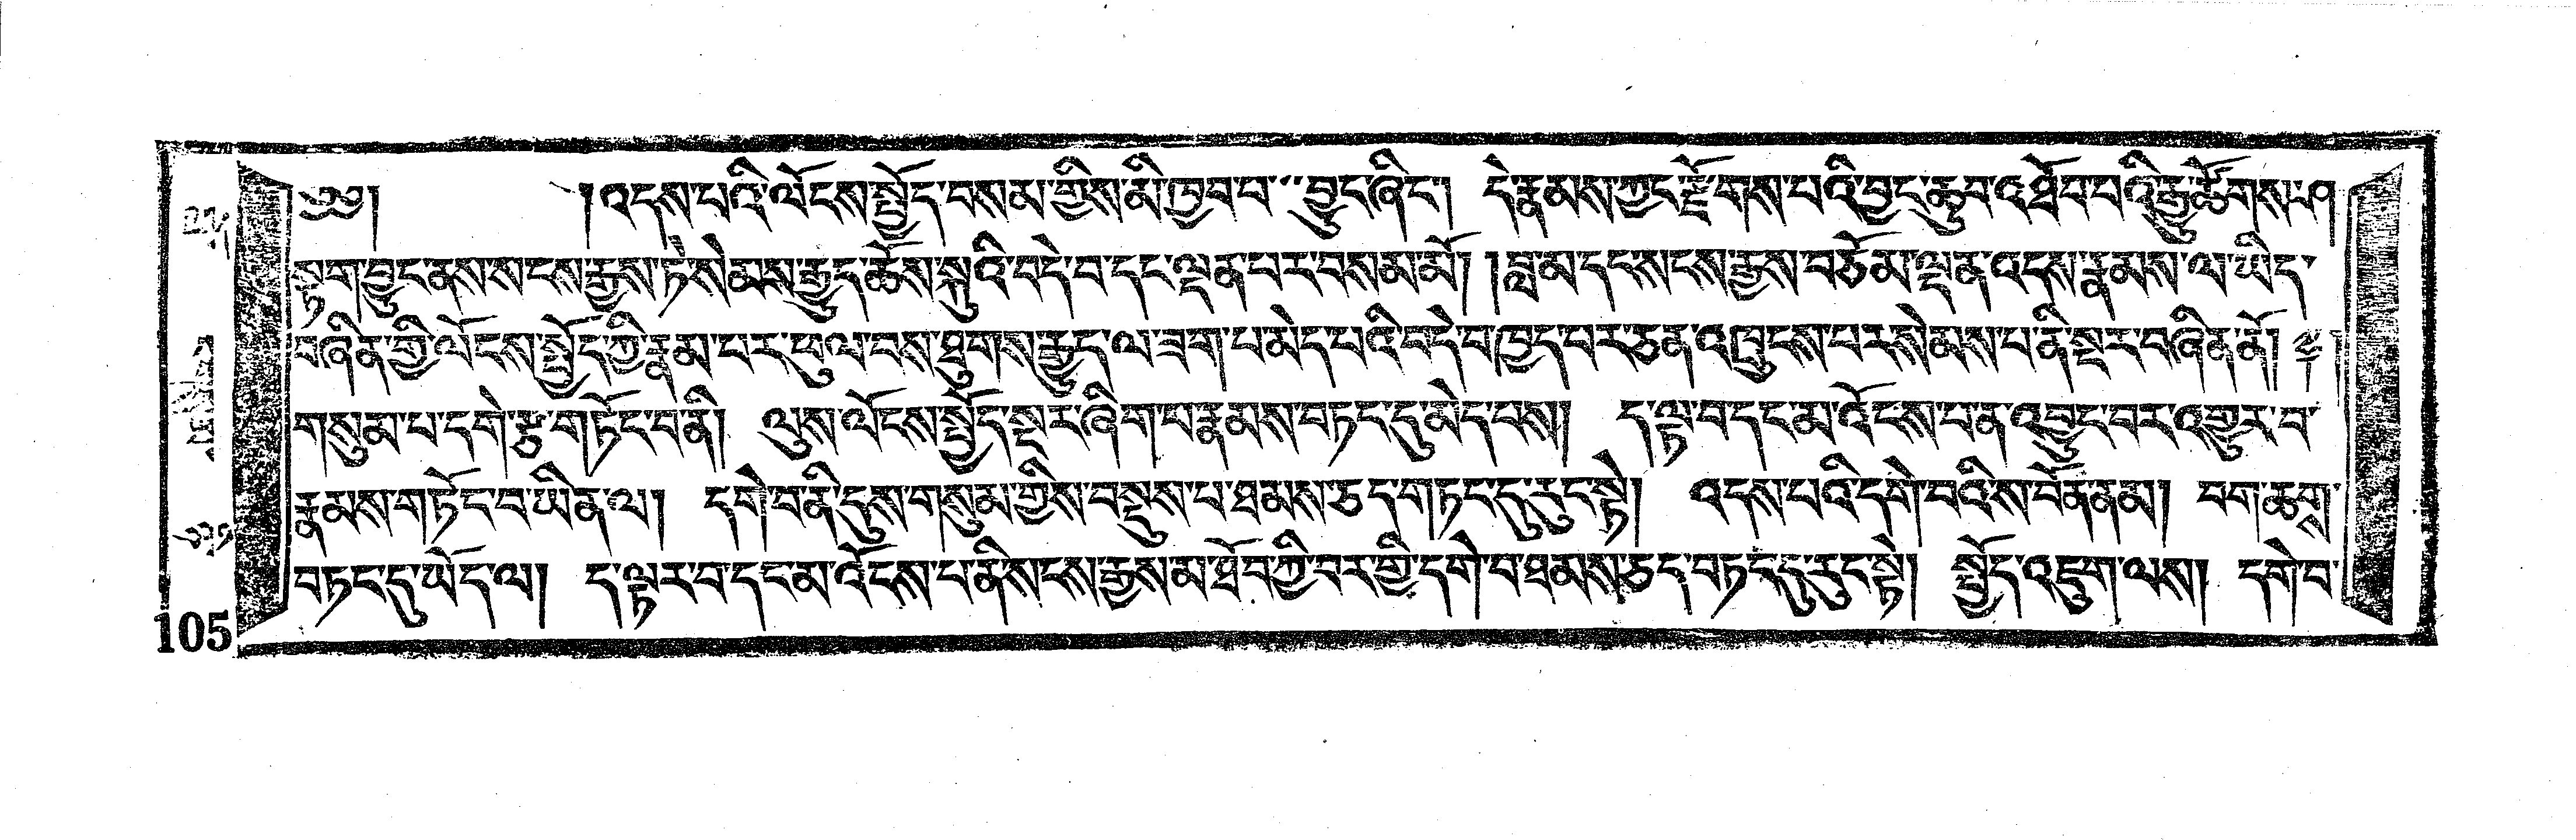༄༅། །འདས་པའི་ལོངས་སྤྱོད་བསམ་གྱིས་མི་ཁྱབ་པ་བྱུང་ཞིང་། དེ་རྣམས་ཀྱང་རྫོགས་པའི་བྱང་ཆུབ་འཐོབ་པའི་རྒྱུ་ཚོགས་ཤ་
སྟག་བྱུང་ནས་སངས་རྒྱས་ཏེ་སེམས་རྒྱུད་ཆོས་སྐུའི་བདེ་བ་དང་ལྡན་པར་བསམ་མོ། །བླ་མ་དང་སངས་རྒྱས་བཅོམ་ལྡན་འདས་རྣམས་ལ་ཡིད་
བཞིན་གྱི་ལོངས་སྤྱོད་ཀྱི་རྣམ་པར་ཕུལ་བས་ཐུགས་རྒྱུད་ལ་ཟག་པ་མེད་པའི་བདེ་བ་ཁྱད་པར་ཅན་འཁྲུངས་པར་སེམས་པ་ནི་སྔར་བཞིན་ནོ། ༈ །
གསུམ་པ་དགེ་རྩ་གཏོང་བ་ནི། ལུས་ལོངས་སྤྱོད་སྔར་ཞིག་པ་རྣམས་བཏང་དུ་མེད་པས། ད་ལྟ་བ་དང་མ་འོངས་པ་ན་འབྱུང་བར་འགྱུར་བ་
རྣམས་གཏོང་བ་ཡིན་ལ། དགེ་བ་ནི་དུས་གསུམ་གྱིས་བསྡུས་པ་ཐམས་ཅད་གཏང་དུ་རུང་སྟེ། འདས་པའི་དགེ་བའི་ས་བོན་ནམ། བག་ཆག་
བཏང་དུ་ཡོད་ལ། ད་ལྟར་བ་དང་མ་འོངས་པ་ནི་སངས་རྒྱས་མ་ཐོབ་ཀྱི་བར་གྱི་དགེ་བ་ཐམས་ཅད་བཏང་དུ་རུང་སྟེ། སྤྱོད་འཇུག་ལས། དགེ་བ་